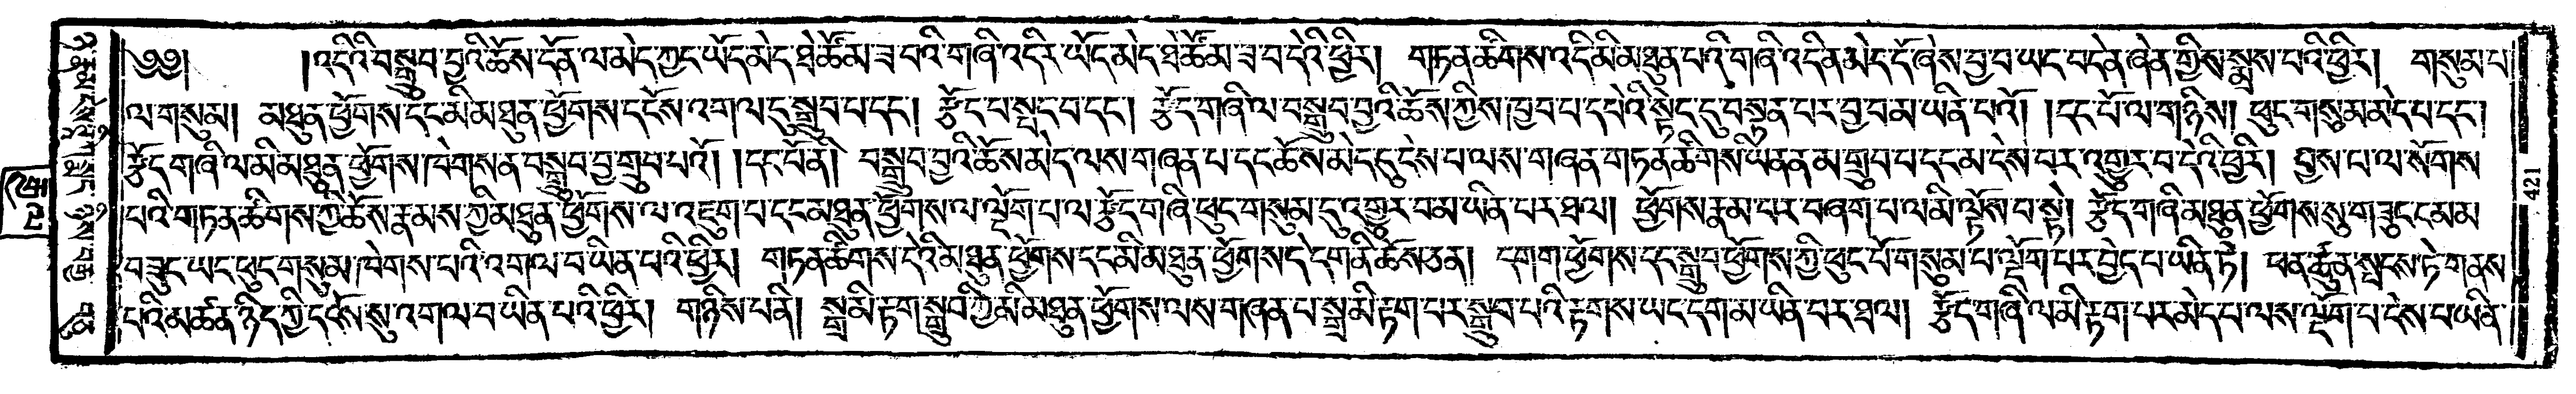༄༅། །འདིའི་བསྒྲུབ་བྱའི་ཆོས་དོན་ལ་མེད་ཀྱང་ཡོད་མེད་ཐེ་ཚོམ་ཟ་བའི་གཞི་འདིར་ཡོད་མེད་ཐེ་ཚོམ་ཟ་བ་དེའི་ཕྱིར། གཏན་ཚིགས་འདི་མི་མཐུན་པའི་གཞི་འདི་ན་མེད་དོ་ཞེས་བྱ་བ་ཡང་བདེན་ཞེན་གྱིས་སྨྲས་པའི་ཕྱིར། གསུམ་པ་
ལ་གསུམ། མཐུན་ཕྱོགས་དང་མི་མཐུན་ཕྱོགས་དངོས་འགལ་དུ་སྒྲུབ་པ་དང་། རྩོད་པ་སྤང་བ་དང་། རྩོད་གཞི་ལ་བསྒྲུབ་བྱའི་ཆོས་ཀྱིས་ཁྱབ་པ་དཔེའི་སྟེང་དུ་བསྟན་པར་བྱ་བ་མ་ཡིན་པའོ། །དང་པོ་ལ་གཉིས། ཕུང་གསུམ་མེད་པ་དང་།
རྩོད་གཞི་ལ་མི་མཐུན་ཕྱོགས་ཁེགས་ན་བསྒྲུབ་བྱ་གྲུབ་པའོ། །དང་པོ་ནི། བསྒྲུབ་བྱའི་ཆོས་མེད་ལས་གཞན་པ་དང་ཆོས་མེད་དུ་ངེས་པ་ལས་གཞན་གཏན་ཚིགས་ཡིན་ནམ་གྲུབ་པ་དང་མ་ངེས་བར་འགྱུར་བ་དེའི་ཕྱིར། བྱས་པ་ལ་སོགས་
པའི་གཏན་ཚིགས་ཀྱི་ཆོས་རྣམས་ཀྱི་མཐུན་ཕྱོགས་ལ་འཇུག་པ་དང་མཐུན་ཕྱོགས་ལ་ལྡོག་པ་ལ་རྩོད་གཞི་ཕུང་གསུམ་དུ་འགྱུར་བ་མ་ཡིན་པར་ཐལ། ཕྱོགས་རྣམ་པར་བཞག་པ་ལ་མི་ལྟོས་པ་སྟེ། རྩོད་གཞི་མཐུན་ཕྱོགས་སུ་གཟུང་ངམ་མ་
བཟུང་ཡང་ཕུང་གསུམ་ཁེགས་པའི་འགལ་བ་ཡིན་པའི་ཕྱིར། གཏན་ཚིགས་དེའི་མཐུན་ཕྱོགས་དང་མི་མཐུན་ཕྱོགས་དེ་དག་ནི་ཆོས་ཅན། དགག་ཕྱོགས་དང་སྒྲུབ་ཕྱོགས་ཀྱི་ཕུང་པོ་གསུམ་པ་ལྡོག་པར་བྱེད་པ་ཡིན་ཏེ། ཕན་ཚུན་སྤངས་ཏེ་གནས་
པའི་མཚན་ཉིད་ཀྱི་དངོས་སུ་འགལ་བ་ཡིན་པའི་ཕྱིར། གཉིས་པ་ནི། སྒྲ་མི་རྟག་སྒྲུབ་ཀྱི་མི་མཐུན་ཕྱོགས་ལས་གཞན་པ་སྒྲ་མི་རྟག་པར་སྒྲུབ་པའི་རྟགས་ཡང་དག་མ་ཡིན་པར་ཐལ། རྩོད་གཞི་ལ་མི་རྟག་པར་མེད་པ་ལས་ལྡོག་པ་ངེས་པ་ཡིན་